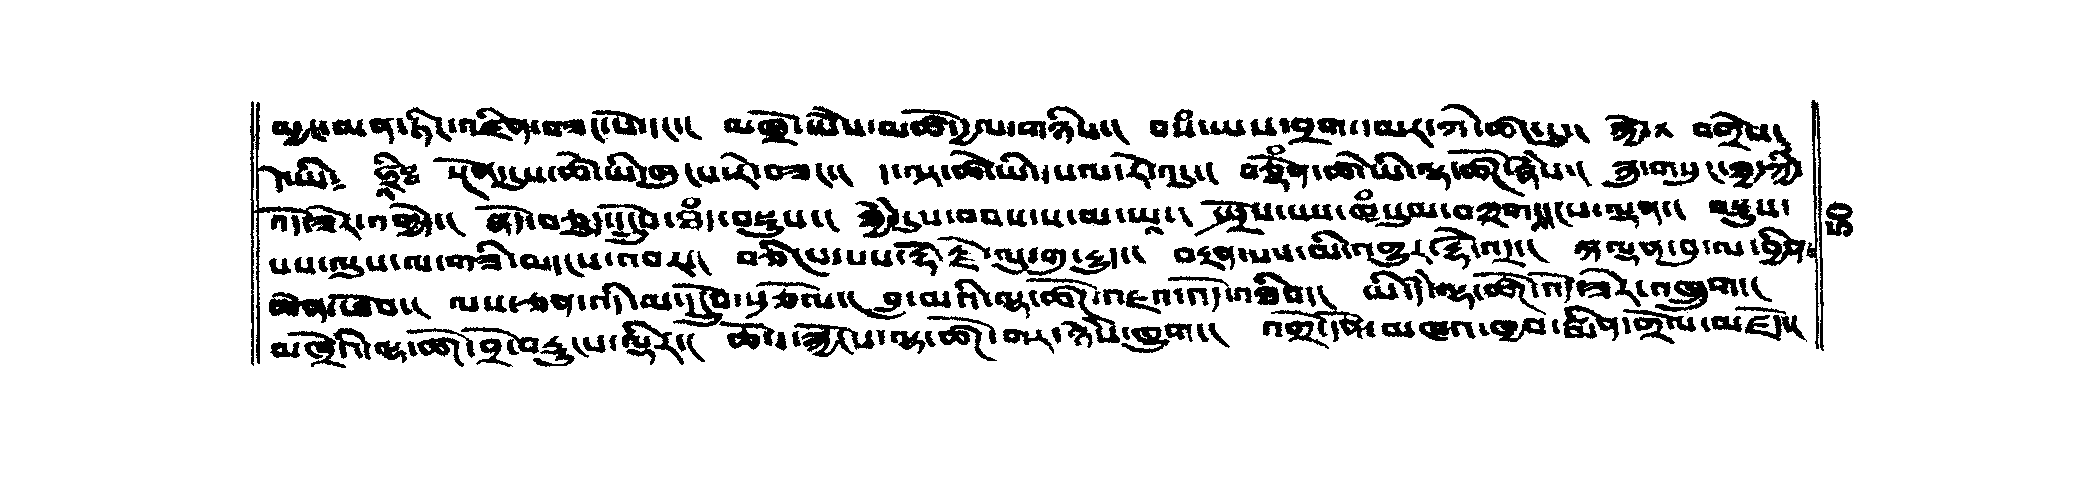མྱང་མན་ཏིང་འཛིན་བཟང་པོ་དང་། མཁའ་འགྲོ་ཡེ་ཤེས་མཚོ་རྒྱལ་གཉིས། བསམ་ཡས་བྲག་དམར་ཀེ་ཚང་དུ། སྐྱེ༴ བགྲེས༴ 
དེ་ཡི༴ ཧྲཱིཿ སྔོན་དུས་ཆེ་ཡི་ཁུངས་རེ་བཟང་། ད་ལྟ་ཚེ་ཡི་དཔལ་རེ་འདུ། བཅོམ་ལྡན་ཚེ་ཡི་ལྷ་ཚོགས་རྣམས། སྐུ་གསུང་ཐུགས་ཀྱི་
འོད་ཟེར་འགྱེད།སྣོད་བཅུ་དངོས་གྲུབ་ཐམས་ཅད་བསྡུས། ཐུགས་དམ་དུས་བབས་ས་མ་ཡཱ། སྤྲོས་པས་ཁམས་གསུམ་བཀྲག་མདངས་ལྡན། བསྡུས་
པས་ལུས་ལ་གཟི་མདངས་འབར། བཅིངས་པས་རྡོ་རྗེ་ལུ་གུ་རྒྱུད། བརྟན་པས་མི་འགྱུར་རྡོ་རྗེ་འདྲ། སྐལ་ལྡན་བུ་ལ་བྱིན་
ཆེན་ཕོབ། ལས་ཅན་འདི་མ་དངོས་གྲུབ་སྩོལ། བླ་མའི་ལྷ་ཚོགས་འཇའ་འོད་འཐིབ། ཡི་དམ་ལྷ་ཚོགས་འོད་ཟེར་འཁྲུག 
མཁའ་འགྲོའི་ལྷ་ཚོགས་བྲོ་བརྡུངས་ལྡིར། ཆོས་སྐྱོངས་ལྷ་ཚོགས་གར་ཉམས་ཁྱུག འགྲོ་དོན་མཁའ་ཁྱབ་སྨིན་གྲོལ་མཛོད།